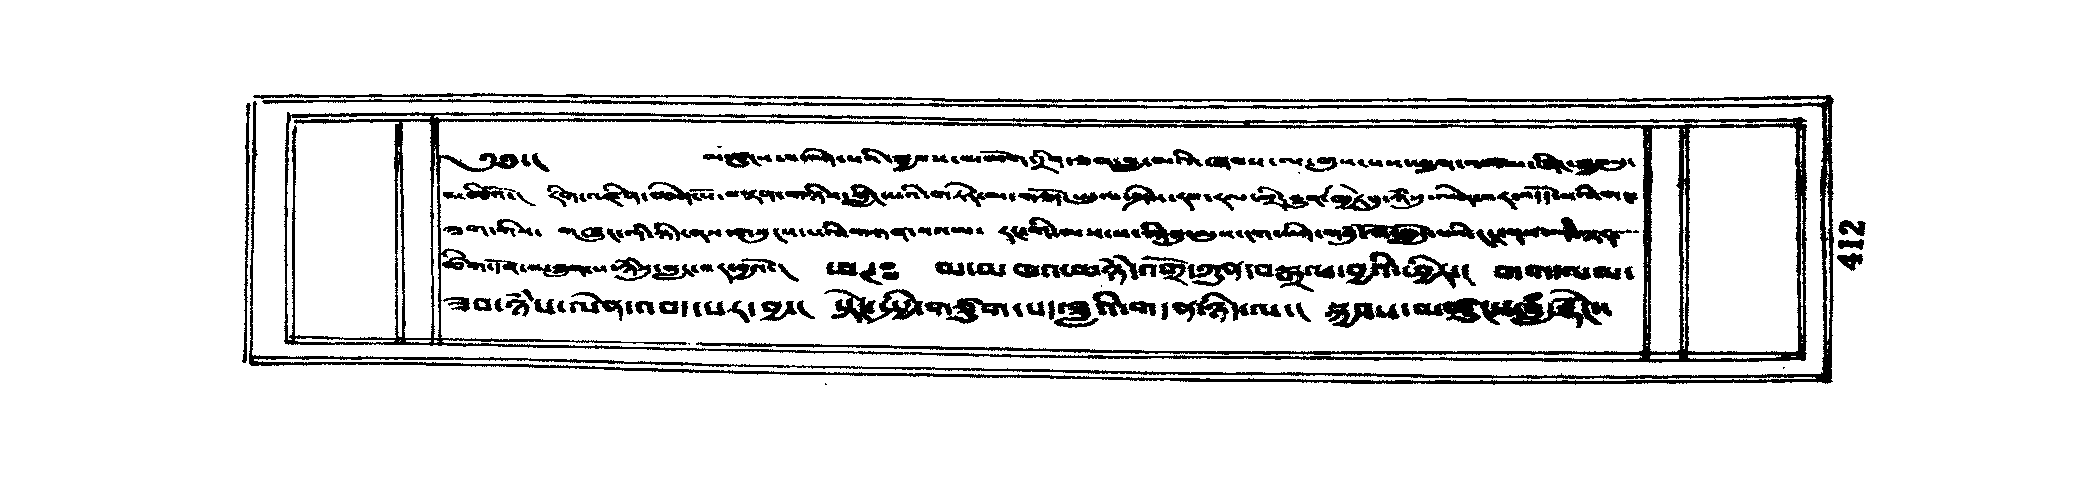མཚུངས་པ་མེད་པའི་སྐྱབས་མཆོག་དྲིན་ཅན་བླ་མའི་ཞབས་ལ་གུས་པས་ཕྱག་འཚལ་ཞིང་སྐྱབས་སུ་
མཆིའོ། རིག་འཛིན་ཆེན་པོ་བསྟན་གཉིས་གླིང་པའི་གཏེར་མ་ཤེས་རབ་རལ་གྲི་རྒྱུན་ཁྱེར་དུ་ཉམས་སུ་ལེན་པར་འདོད་པའི་གང་
ཟག་གིས། གཞུང་འདི་ཉིད་ནས་གསུངས་པའི་གཉན་སའམ། རང་གི་ལས་ས་ཉིད་དུ་ལུས་ངག་ཡིད་གསུམ་པོ་གློད་པའི་ངང་ནས་འདི་ལྟར་
ཚིག་དོན་མཐུན་པ་ཉིད་དུ་བླང་བར་བྱའོ། ཕཊཿ མ་མཁའ་མཉམ་འགྲོ་ཀུན་བསྒྲལ་བྱའི་ཕྱིར། །བདག་ལམ་
ཟབ་ཉམས་ལེན་འབད་པར་བྱ། །སྟེང་སྤྱི་གཙུག་པད་ཟླའི་གདན་ཉིད་ལ། །སྐྱབས་མཚུངས་མེད་བླ་མ་རྡོ་རྗེ་འཆང་། །